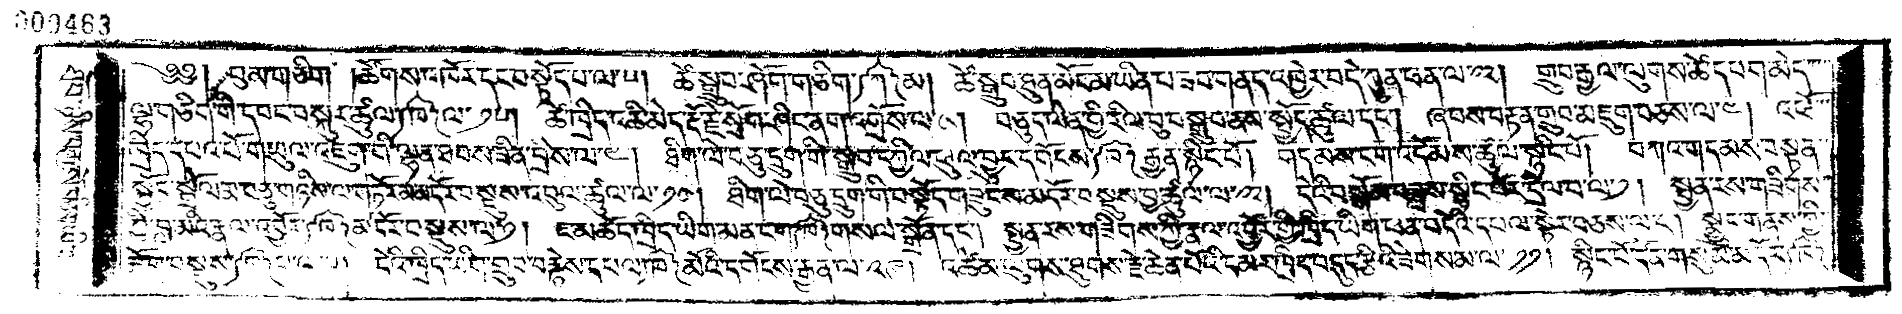༄༅། །བུམ་གཅིག །ཚོགས་འཁོར་དང་བསྟོད་པ་ལ ༥། ཚེ་སྒྲུབ་ཤོག་གཅིག ༼ཀ༽ མ། ཚེ་སྒྲུབ་ཐུན་མོང་མ་ཡིན་པ་ཟབ་གནད་འཁྱེར་བདེ་ཀུན་ཕན་ལ ༣། གྲུབ་རྒྱལ་ལུགས་ཚེ་དཔག་མེད་
ལྷ་གཅིག་གི་དབང་བསྐུར་ཚུལ ༼ཁ༽ ལ ༡༥། ཚེ་ཁྲིད་འཆི་མེད་རྡོ་རྗེ་སྲོག་ཤིང་ནག་འགྲོས་ལ ༡༥། བཅུད་ལེན་གྱི་རིལ་བུ་བསྒྲུབ་ནས་སྤྱོད་ཚུལ་དང་། ཞབས་བརྟན་གྲུབ་མཇུག་བཅས་ལ ༤། འཕོ་
ཁྲིད་དཔའ་པོ་གཡུལ་འཇུག་གི་ལྷན་ཐབས་ཟིན་བྲིས་ལ༤། ཐིག་ལེ་བཅུ་དྲུག་གི་སྒྲུབ་དཀྱིལ་ཕུལ་བྱུང་དགོངས ༼ཁ༽ རྒྱན་སྙིང་པོ། གདམས་ངག་འདོམས་ཚུལ་སྙིང་པོ། བཀའ་གདམས་བསྟན་
སྐྱོང་སྒྲོལ་མ་བཅུ་གཉིས་ལ་གཏོར་མ་མདོར་བསྡུས་འབུལ་ཚུལ་ལ ༡༦། ཐིག་ལེ་བཅུ་དྲུག་གི་བསྟོད་གཟུངས་མདོར་བསྡུས་བྱ་ཚུལ་ལ ༣། དེའི་བསྒོམ་བཟླས་སྙིང་པོར་དྲིལ་བ་ལ ༡། སྤྱན་རས་གཟིགས་
ཀྱི་བླ་མའི་རྣལ་འབྱོར ༼ཁ༽ མདོར་བསྡུས་ལ ༡། ཇ་མཆོད་ཁྲིད་ཡིག་མན་ངག ༼ཁ༽ གསལ་སྒྲོན་དང་། སྤྱན་རས་གཟིགས་ཀྱི་རྣལ་འབྱོར་གྱི་ཁྲིད་ཡིག་ཕན་བདེའི་དཔལ་སྟེར་བཅས་ལ༨། སྨྱུང་གནས་ཀྱི་
ཆོ་ག་བསྡུས ༼ཁ༽ པ་ལ༥། དེའི་ཁྲིད་ཡིག་གྲུབ་བརྙེས་དཔལ ༼ཁ༽ མོའི་དགོངས་རྒྱན་ལ ༢༩། འཚེམ་ལུགས་ཐུགས་རྗེ་ཆེན་པོའི་དམར་ཁྲིད་བདུད་རྩིའི་ཟེགས་མ་ལ ༡༡། སྙིང་པོ་དོན་གསུམ་མདོར ༼ཁ༽